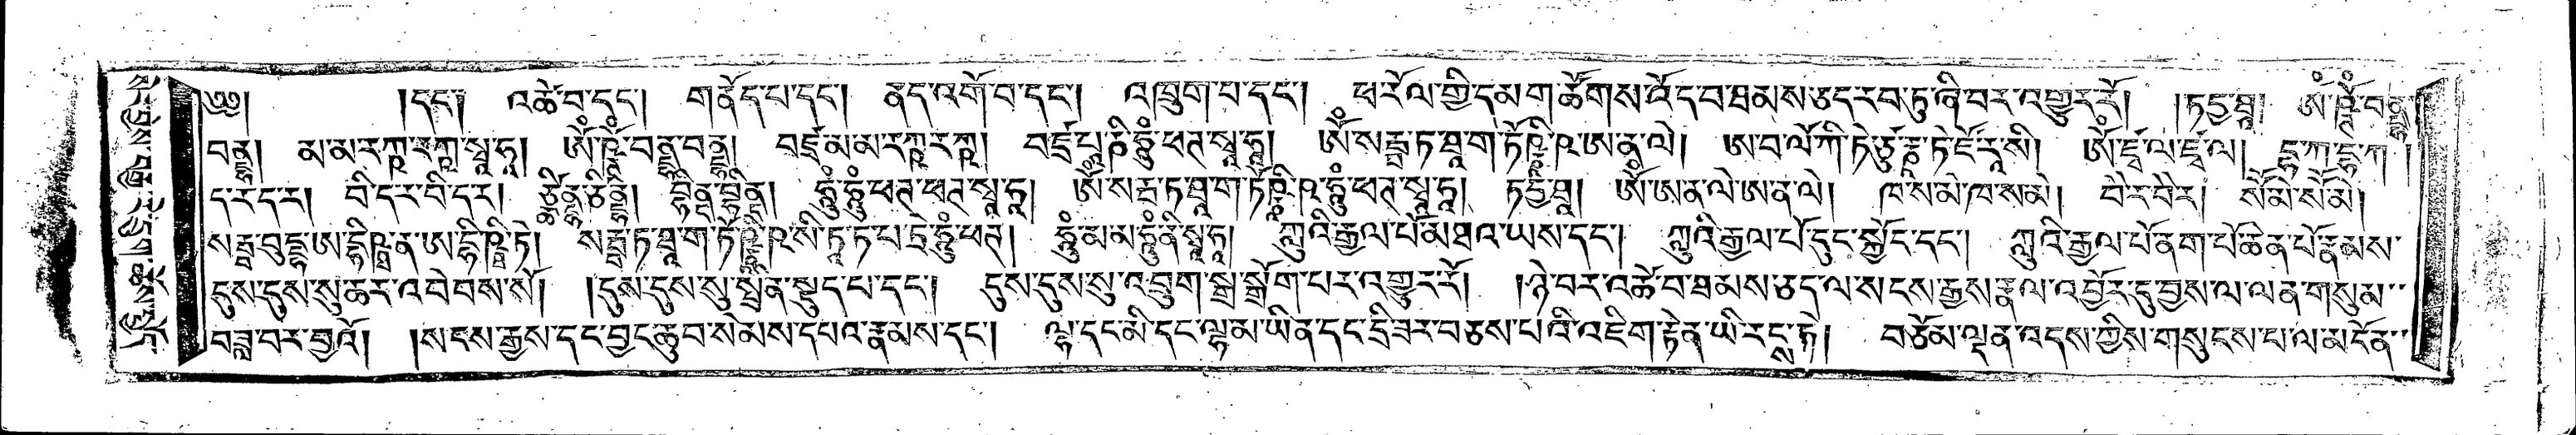༄༅། །དང་། འཚེ་བ་དང་། གནོད་པ་དང་། ནད་འགོ་བ་དང་། འཁྲུག་པ་དང་། ཕ་རོལ་གྱི་དམག་ཚོགས་འོད་བ་ཐམས་ཅད་རབ་ཏུ་ཞི་བར་འགྱུར་རོ། །ཏདྱ་ཐཱ། ཨོཾ་ཥྚོཾ་བནྡྷ་
བནྡྷ། མ་མ་རཀྵ་རཀྵ་སྭཱ་ཧཱ། ཨོཾ་ཥྚོཾ་བནྡྷ་བནྡྷ། བྫྲ་མ་མ་རཀྵ་རཀྵ། བྫྲ་པཱ་ཎི་ཧཱུཾ་ཕཌ་སྭཱ་ཧཱ། ཨོཾ་སརྦྦ་ཏ་ཐཱ་ག་ཏོ་ཥྞི་ཥ་ཨ་ན་ལེ། ཨ་བ་ལོ་ཀི་ཏེ་ཙུ་རྞཱ་ཏེ་ཛོ་རཱ་སི། ཨོཾ་ཛྭ་ལ་ཛྭ་ལ། དྷ་ཀ་དྷ་ཀ །
ད་ར་ད་ར། བི་ད་ར་བི་ད་ར། ཙྪིནྡྷ་ཙིནྡྷི། བྷིནྡ་བྷིནྡ། ཧཱུཾ་ཧཱུཾ་ཕཌ་ཕཌ་སྭཱ་ཧཱ། ཨོཾ་སརྦ་ཏ་ཐཱ་ག་ཏོ་ཥྞཱི་ཥ་ཧཱུཾ་ཕཌ་སྭཱ་ཧཱ། ཏ་དྱ་ཐཱ། ཨོཾ་ཨ་ན་ལེ་ཨ་ན་ལེ། ཁ་ས་མེ་ཁ་ས་མེ། བཻ་ར་བཻ་ར། སཽ་མེ་སཽ་མེ།
སརྦྦ་བུདྡྷ་ཨ་དྷི་ཥཊཿཨ་ན་ཨ་དྷི་ཥཊཿཨི་ཏེ། སརྦྦ་ཏ་ཐཱ་ག་ཏོ་ཥྣཱི་ཥ་སི་ཏཱ་ཏ་པ་ཏྲེ་ཧཱུཾ་ཕཌ། ཧཱུཾ་མ་མ་ཧཱུཾ་ནི་སྭཱ་ཧཱ། ཀླུའི་རྒྱལ་པོ་མཐའ་ཡས་དང་། ཀླུའི་རྒྱལ་པོ་དུང་སྐྱོང་དང་། ཀླུའི་རྒྱལ་པོ་ནག་པོ་ཆེན་པོ་རྣམས་
དུས་དུས་སུ་ཆར་འབེབས་སོ། །དུས་དུས་སུ་སྤྲིན་སྡུད་པ་དང་། དུས་དུས་སུ་འབྲུག་སྒྲ་སྒྲོག་པར་འགྱུར་རོ། །ཉེ་བར་འཚེ་བ་ཐམས་ཅད་ལ་སངས་རྒྱས་རྣལ་འབྱོར་དུ་བྱས་ལ་ལན་གསུམ་
བཟླ་བར་བྱའོ། །སངས་རྒྱས་དང་བྱང་ཆུབ་སེམས་དཔའ་རྣམས་དང་། ལྷ་དང་མི་དང་ལྷ་མ་ཡིན་དང་དྲི་ཟར་བཅས་པའི་འཇིག་རྟེན་ཡི་རངས་ཏེ། བཅོམ་ལྡན་འདས་ཀྱིས་གསུངས་པ་ལ་མངོན་